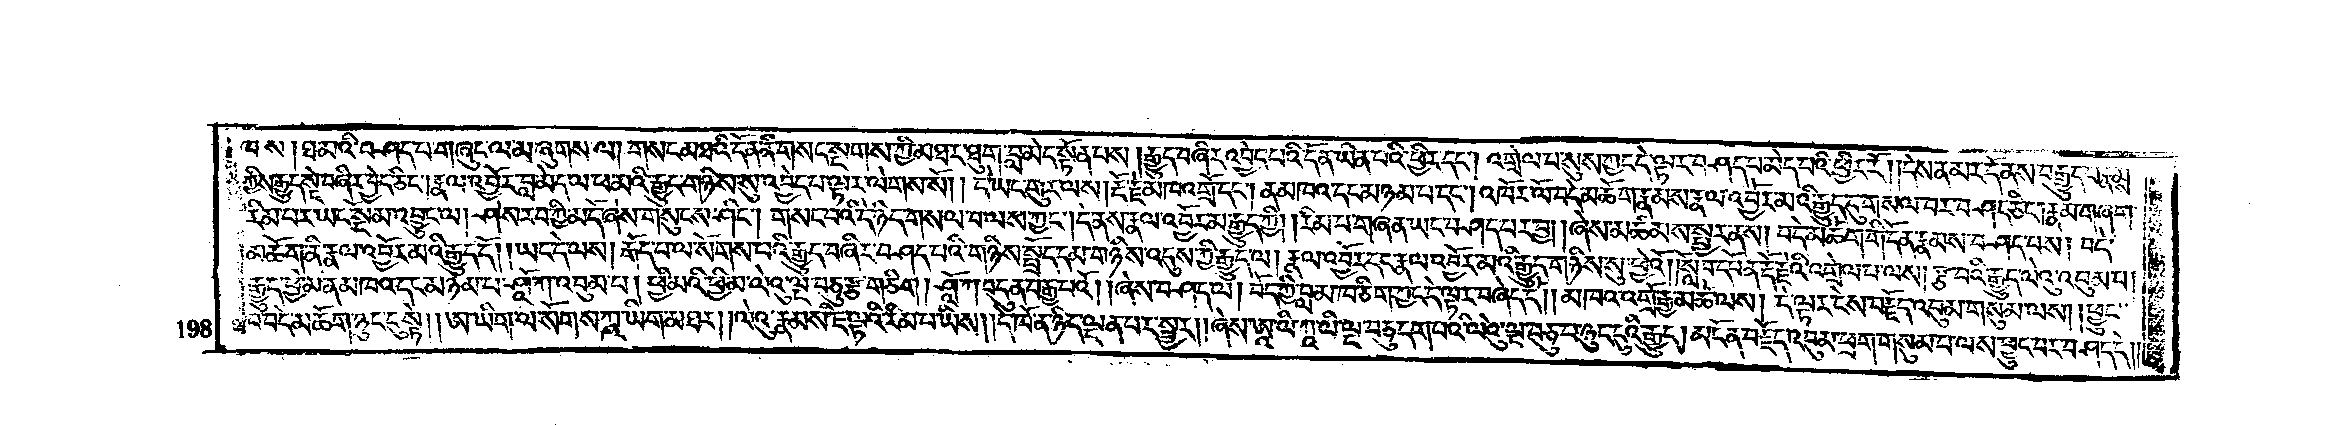བས། ཐ་མའི་བཤད་པ་གཞུང་ལ་མ་ཞུགས་ལ། གསང་མཐའི་དོན་ནི་གསང་སྔགས་ཀྱི་མཐར་ཐུག་བླ་མེད་སྟོན་པས། རྒྱུད་བཞིར་འབྱེད་པའི་དོན་ཡིན་པའི་ཕྱིར་དང་། འགྲེལ་པ་སུས་ཀྱང་དེ་ལྟར་བཤད་པ་མེད་པའི་ཕྱིར་རོ། །དེས་ན་མར་དོ་ནས་བརྒྱུད་པ་རྣམས་
ཀྱིས་རྒྱུད་སྡེ་བཞིར་བྱེད་ཅིང་། རྣལ་འབྱོར་བླ་མེད་ལ་ཕ་མའི་རྒྱུད་གཉིས་སུ་འབྱེད་པ་ལྟར་ལེགས་སོ། །དེ་ཡང་གུར་ལས། རྡོ་རྗེ་མཁའ་འགྲོ་དང་། ནམ་མཁའ་དང་མཉམ་པ་དང་། འཁོར་ལོ་བདེ་མཆོག་རྣམས་རྣལ་འབྱོར་མའི་རྒྱུད་དུ་གསལ་བར་བཤད་ཅིང་། རྣམ་གཞག་
རིམ་པར་ཡང་སྡོམ་འབྱུང་ལ། ཤེས་རབ་ཀྱི་མདོ་ཞེས་གསུངས་ཤིང་། གསང་བའི་དེ་ཉིད་གསལ་བ་ལས་ཀྱང་། དེ་ནས་རྣལ་འབྱོར་མ་རྒྱུད་ཀྱི། །རིམ་པ་གཞན་ཡང་བཤད་པར་བྱ། །ཞེས་མཚམས་སྦྱར་ནས། བདེ་མཆོག་གི་དོན་རྣམས་བཤད་པས། བདེ་
མཆོག་ནི་རྣལ་འབྱོར་མའི་རྒྱུད་དོ། །ཡང་དེ་ལས། རྒོད་པ་ལ་སོགས་པའི་རྒྱུད་བཞིར་བཤད་པའི་གཉིས་སྤྲོད་དམ་གཉིས་འདུས་ཀྱི་རྒྱུད་ལ། རྣལ་འབྱོར་དང་རྣལ་འབྱོར་མའི་རྒྱུད་གཉིས་སུ་ཕྱེའོ། །སློབ་དཔོན་རྡོ་རྗེའི་འགྲེལ་པ་ལས། རྩ་བའི་རྒྱུད་ལེའུ་འབུམ་པ།
རྒྱུད་ཕྱི་མ་ནམ་མཁའ་དང་མཉམ་པ་ཤློ་ཀ་འབུམ་པ། ཕྱི་མའི་ཕྱི་མ་ལེའུ་ལྔ་བཅུ་རྩ་གཅིག །ཤློ་ཀ་བདུན་བརྒྱ་པའོ། །ཞེས་བཤད་ལ། བོད་ཀྱི་བླ་མ་ཁ་ཅིག་ཀྱང་དེ་ལྟར་བཞེད་དོ། །མཁའ་འགྲོ་རྒྱ་མཚོ་ལས། དེ་ལྟར་ངེས་བརྗོད་འབུམ་གསུམ་ལས། །ཕྱུང་
བ་བདེ་མཆོག་ཉུང་ངུ་སྟེ། །ཨ་ཡིག་ལ་སོགས་ཀྵ་ཡིག་མཐར། །ལེའུ་རྣམས་ཇི་ལྟའི་རིམ་པ་ཡིས། །དེ་ཁོ་ན་ཉིད་ལྡན་པར་སྦྱར། །ཞེས་ཨཱ་ལི་ཀཱ་ལི་ལྔ་བཅུ་དག་པའི་ལེའུ་ལྔ་བཅུ་པ་ཉུང་ངུའི་རྒྱུད། མངོན་བརྗོད་འབུམ་ཕྲག་གསུམ་པ་ལས་ཕྱུང་བར་བཤད་དོ། །